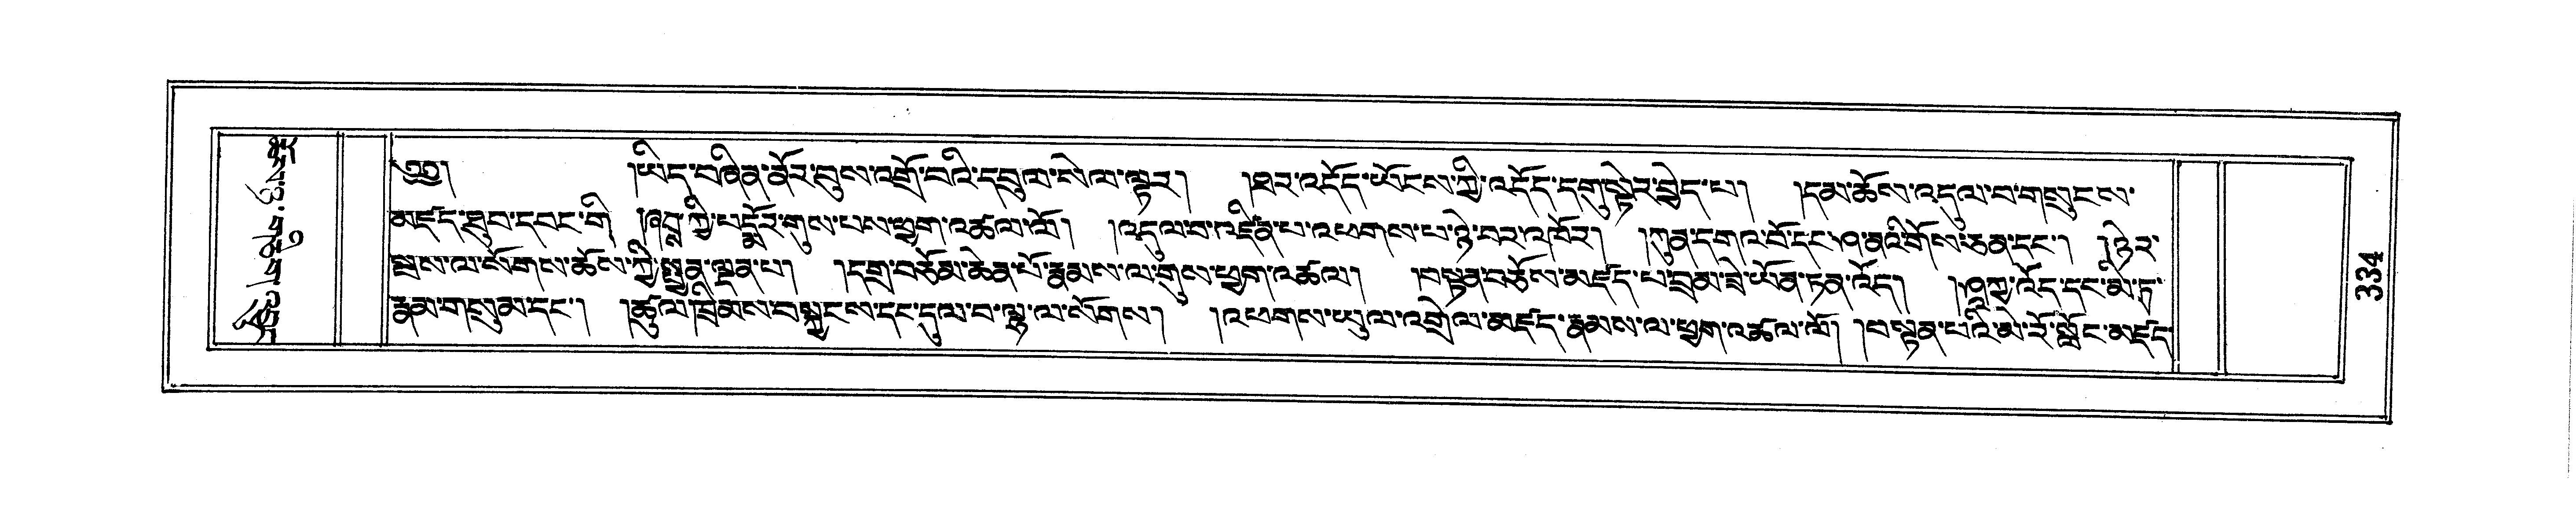༄༅། །ཡིད་བཞིན་ནོར་བུས་འགྲོ་བའི་དབུལ་སེལ་ལྟར། །ཐར་འདོད་ཡོངས་ཀྱི་འདོད་དགུ་སྟེར་བྱེད་པ། །དམ་ཆོས་འདུལ་བ་གསུངས་
མཛད་ཐུབ་དབང་གི །ཞབས་ཀྱི་པདམོར་གུས་པས་ཕྱག་འཚལ་ལོ། །འདུལ་བ་འཛིན་པ་འཕགས་པ་ཉེ་བར་འཁོར། །ཀུན་དགའ་བོ་དང་ཤ་ནའི་གོས་ཅན་དང་། །ཉེར་
སྦས་ལ་སོགས་ཆོས་ཀྱི་སྤྱན་ལྡན་པ། །དགྲ་བཅོམ་ཆེན་པོ་རྣམས་ལ་གུས་ཕྱག་འཚལ། །བསྟན་བཅོས་མཛད་པ་བྲམ་ཟེ་ཡོན་ཏན་འོད། །ཤའྐྱ་འོད་དང་མི་ཏྲ་
རྣམ་གསུམ་དང་། །ཚུལ་ཁྲིམས་བསྐྱངས་དང་དུལ་བ་ལྷ་ལ་སོགས། །འཕགས་ཡུལ་འགྲེལ་མཛད་རྣམས་ལ་ཕྱག་འཚལ་ལོ། །བསྟན་པའི་མེ་རོ་སློང་མཛད་